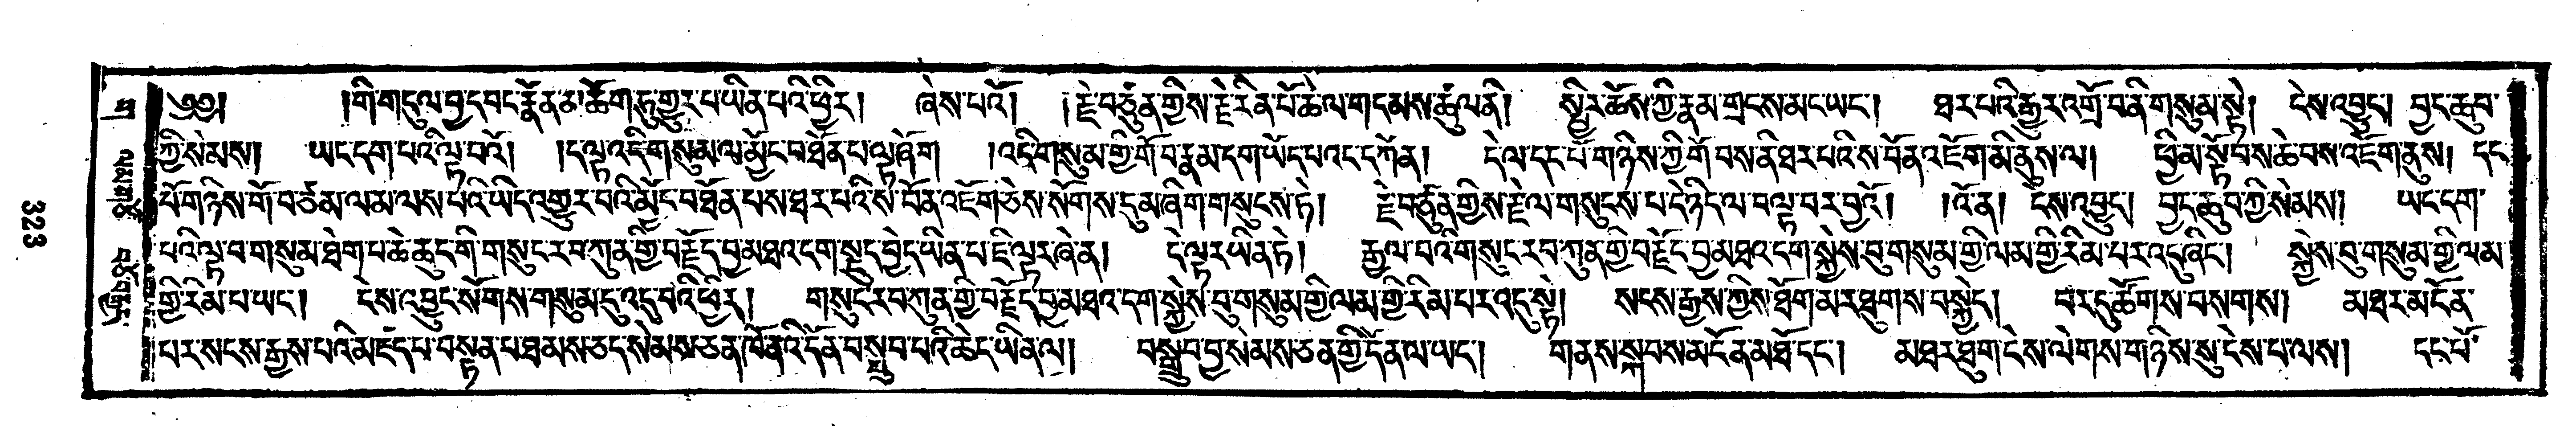༄༅། །གི་གདུལ་བྱ་དབང་རྣོན་མཆོག་ཏུ་གྱུར་པ་ཡིན་པའི་ཕྱིར། ཞེས་པའོ། །རྗེ་བཙུན་གྱིས་རྗེ་རིན་པོ་ཆེ་ལ་གདམས་ཚུལ་ནི། སྤྱིར་ཆོས་ཀྱི་རྣམ་གྲངས་མང་ཡང་། ཐར་པའི་རྒྱུར་འགྲོ་བ་ནི་གསུམ་སྟེ། ངེས་འབྱུང་། བྱང་ཆུབ་
ཀྱི་སེམས། ཡང་དག་པའི་ལྟ་བའོ། །ད་ལྟ་འདི་གསུམ་ལ་མྱོང་བ་ཐོན་པ་ལྟ་ཞོག །འདི་གསུམ་གྱི་གོ་བ་རྣམ་དག་ཡོད་པའང་དཀོན། དེ་ལ་དང་པོ་གཉིས་ཀྱི་གོ་བས་ནི་ཐར་པའི་ས་བོན་འཇོག་མི་ནུས་ལ། ཕྱི་མ་སྟོབས་ཆེ་བས་འཇོག་ནུས། དང་
པོ་གཉིས་གོ་བ་ཙམ་ལམ་ལས་པའི་ཡིད་འགྱུར་བའི་མྱོང་བ་ཐོན་པས་ཐར་པའི་ས་བོན་འཇོག་ཅེས་སོགས་དུ་མ་ཞིག་གསུངས་ཏེ། རྗེ་བཙུན་གྱིས་རྗེ་ལ་གསུངས་པ་དེ་ཉིད་ལ་བལྟ་བར་བྱའོ། །འོ་ན། ངེས་འབྱུང་། བྱང་ཆུབ་ཀྱི་སེམས། ཡང་དག་
པའི་ལྟ་བ་གསུམ་ཐེག་པ་ཆེ་ཆུང་གི་གསུང་རབ་ཀུན་གྱི་བརྗོད་བྱ་མཐའ་དག་སྡུད་བྱེད་ཡིན་པ་ཇི་ལྟར་ཞེ་ན། དེ་ལྟར་ཡིན་ཏེ། རྒྱལ་བའི་གསུང་རབ་ཀུན་གྱི་བརྗོད་བྱ་མཐའ་དག་སྐྱེས་བུ་གསུམ་གྱི་ལམ་གྱི་རིམ་པར་འདུ་ཞིང་། སྐྱེས་བུ་གསུམ་གྱི་ལམ་
གྱི་རིམ་པ་ཡང་། ངེས་འབྱུང་སོགས་གསུམ་དུ་འདུ་བའི་ཕྱིར། གསུང་རབ་ཀུན་གྱི་བརྗོད་བྱ་མཐའ་དག་སྐྱེས་བུ་གསུམ་གྱི་ལམ་གྱི་རིམ་པར་འདུ་སྟེ། སངས་རྒྱས་ཀྱིས་ཐོག་མར་ཐུགས་བསྐྱེད། བར་དུ་ཚོགས་བསགས། མཐར་མངོན་
པར་སངས་རྒྱས་པའི་མཛད་པ་བསྟན་པ་ཐམས་ཅད་སེམས་ཅན་ཁོ་ནའི་དོན་བསྒྲུབ་པའི་ཆེད་ཡིན་ལ། བསྒྲུབ་བྱ་སེམས་ཅན་གྱི་དོན་ལ་ཡང་། གནས་སྐབས་མངོན་མཐོ་དང་། མཐར་ཐུག་ངེས་ལེགས་གཉིས་སུ་ངེས་པ་ལས། དང་པོ་